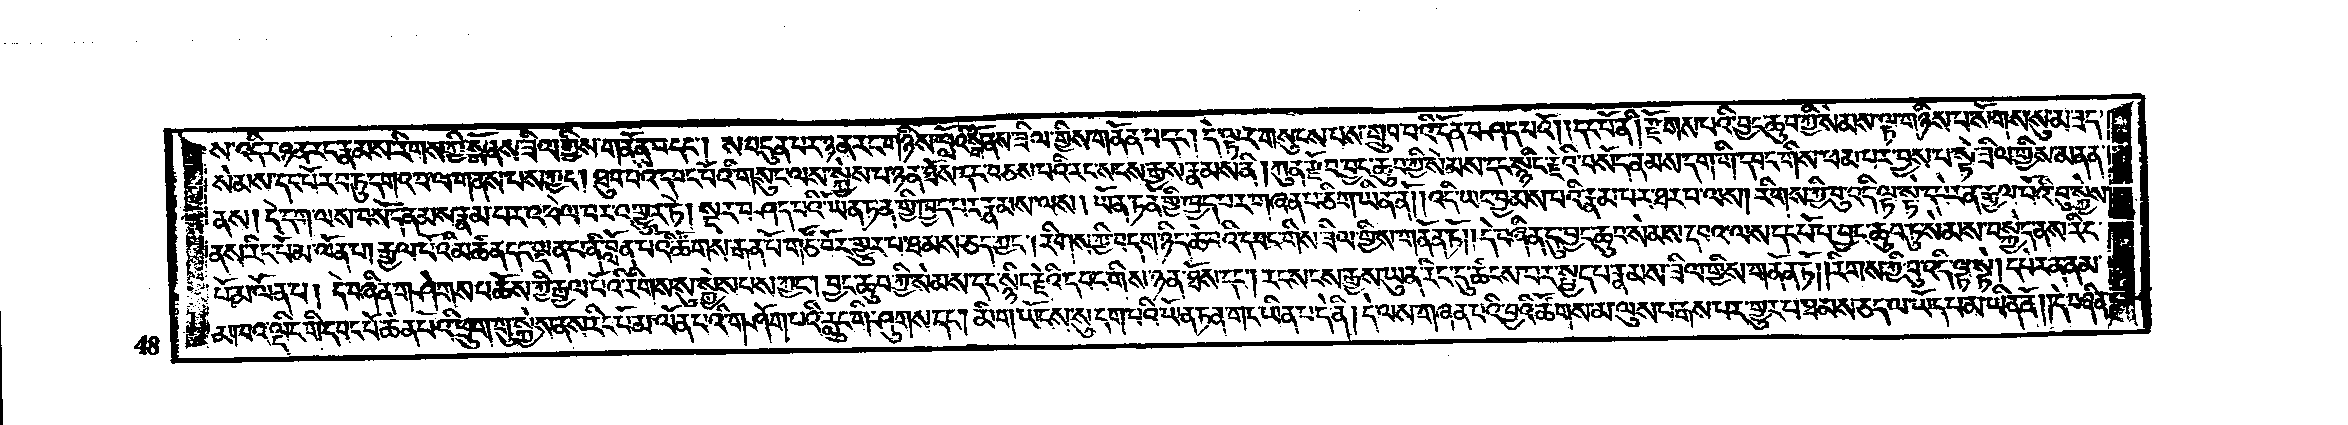ས་འདིར་ཉན་རང་རྣམས་རིགས་ཀྱི་སྒོ་ནས་ཟིལ་གྱིས་གནོན་པ་དང་། ས་བདུན་པར་ཉན་རང་གཉིས་བློའི་སྒོ་ནས་ཟིལ་གྱིས་གནོན་པ་དང་། དེ་ལྟར་གསུངས་པས་གྲུབ་པའི་དོན་བཤད་པའོ། །དང་པོ་ནི། རྫོགས་པའི་བྱང་ཆུབ་ཀྱི་སེམས་ལྟ་གཉིས་པ་སོགས་སུ་མ་ཟད་
སེམས་དང་པོ་རབ་ཏུ་དགའ་བ་ལ་གནས་པས་ཀྱང་། ཐུབ་པའི་དབང་པོའི་གསུང་ལས་སྐྱེས་པ་ཉན་ཐོས་དང་བཅས་པའི་རང་སངས་རྒྱས་རྣམས་ནི། ཀུན་རྫོབ་བྱང་ཆུབ་ཀྱི་སེམས་དང་སྙིང་རྗེའི་བསོད་ནམས་དག་གི་དབང་གིས་ཕམ་པར་བྱས་པ་སྟེ་ཟིལ་གྱིས་གནོན་
ནས། དེ་དག་ལས་བསོད་ནམས་རྣམ་པར་འཕེལ་བར་འགྱུར་ཏེ། སྔར་བཤད་པའི་ཡོན་ཏན་གྱི་ཁྱད་པར་རྣམས་ལས། ཡོན་ཏན་གྱི་ཁྱད་པར་གཞན་པ་ཅིག་ཡིན་ནོ། །འདི་ཡང་བྱམས་པའི་རྣམ་པར་ཐར་པ་ལས། རིགས་ཀྱི་བུ་འདི་ལྟ་སྟེ་དཔེར་ན་རྒྱལ་པོའི་བུ་སྐྱེས་
ནས་རིང་པོ་མ་ལོན་པ། རྒྱལ་པོའི་མཚན་དང་ལྡན་པ་ནི་བློན་པོའི་ཚོགས་རྒན་པོ་གཙོ་བོར་གྱུར་པ་ཐམས་ཅད་ཀྱང་། རིགས་ཀྱི་བདག་ཉིད་ཆེ་བའི་དབང་གིས་ཟིལ་གྱིས་གནོན་ཏོ། །དེ་བཞིན་དུ་བྱང་ཆུབ་སེམས་དཔའ་ལས་དང་པོ་པ་བྱང་ཆུབ་ཏུ་སེམས་བསྐྱེད་ནས་རིང་
པོ་མ་ལོན་པ། དེ་བཞིན་གཤེགས་པ་ཆོས་ཀྱི་རྒྱལ་པོའི་རིགས་སུ་སྐྱེས་པས་ཀྱང་། བྱང་ཆུབ་ཀྱི་སེམས་དང་སྙིང་རྗེའི་དབང་གིས་ཉན་ཐོས་དང་། རང་སངས་རྒྱས་ཡུན་རིང་དུ་ཚངས་པར་སྤྱད་པ་རྣམས་ཟིལ་གྱིས་གནོན་ཏོ། །རིགས་ཀྱི་བུ་འདི་ལྟ་སྟེ། དཔེར་ན་ནམ་
མཁའ་ལྡིང་གི་དབང་པོ་ཆེན་པོའི་ཕྲུག་གུ་སྐྱེས་ནས་རིང་པོ་མ་ལོན་པའི་གཤོག་པའི་རླུང་གི་ཤུགས་དང་། མིག་ཡོངས་སུ་དག་པའི་ཡོན་ཏན་གང་ཡིན་པ་དེ་ནི། དེ་ལས་གཞན་པའི་བྱའི་ཚོགས་མ་ལུས་པ་རྒས་པར་གྱུར་པ་ཐམས་ཅད་ལ་ཡོད་པ་མ་ཡིན་ནོ། །དེ་བཞིན་